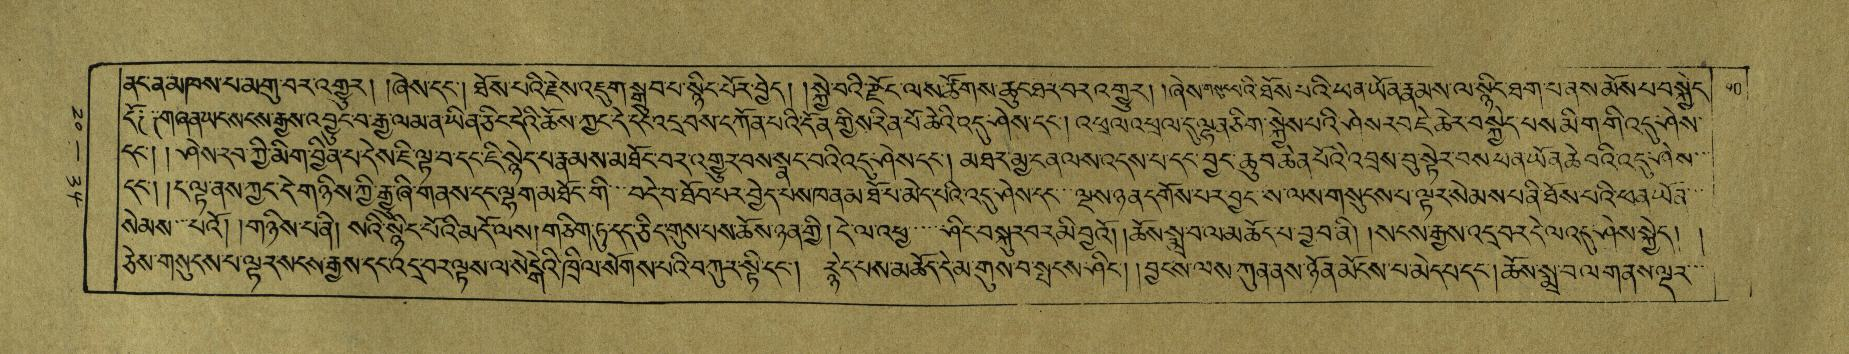ནང་ན་མཁས་པ་མགུ་བར་འགྱུར། །ཞེས་དང་། ཐོས་པའི་རྗེས་འཇུག་སྒྲུབ་པ་སྙིང་པོར་བྱེད། །སྐྱེ་བའི་རྫོང་ལས་ཚོགས་ཆུང་ཐར་བར་འགྱུར། །ཞེས་གསུང་པའི་ཐོས་པའི་ཕན་ཡོན་རྣམས་ལ་སྙིང་ཐག་པ་ནས་མོས་པ་བསྐྱེད་
དོ༑ ༑གཞན་ཡང་སངས་རྒྱས་འབྱུང་བ་རྒྱ་ལམ་ན་ཡིན་ཅིང་དེའི་ཆོས་ཀྱང་དེ་དང་འདྲ་བས་དཀོན་པའི་དོན་གྱིས་རིན་པོ་ཆེའི་འདུ་ཤེས་དང་། འཕྲལ་འཕྲལ་དུ་ལྷན་ཅིག་སྐྱེས་པའི་ཤེས་རབ་ཇེ་ཆེར་བསྐྱེད་པས་མིག་གི་འདུ་ཤེས་
དང་། །ཤེས་རབ་ཀྱི་མིག་བྱིན་པ་དེས་ཇི་ལྟ་བ་དང་ཇི་སྙེད་པ་རྣམས་མཐོང་བར་འགྱུར་བས་སྣང་བའི་འདུ་ཤེས་དང་། མཐར་མྱ་ངན་ལས་འདས་པ་དང་བྱང་ཆུབ་ཆེན་པོའི་འབྲས་བུ་སྟེར་བས་ཕན་ཡོན་ཆེ་བའི་འདུ་ཤེས་
དང་། །ད་ལྟ་ནས་ཀྱང་དེ་གཉིས་ཀྱི་རྒྱུ་ཞི་གནས་དང་ལྷག་མཐོང་གི་བདེ་བ་ཐོབ་པར་བྱེད་པས་ཁ་ན་མ་ཐོ་པ་མེད་པའི་འདུ་ཤེས་དང་ལྔས་ཉན་དགོས་པར་བྱང་ས་ལས་གསུངས་པ་ལྟར་སེམས་པ་ནི་ཐོས་པའི་ཕན་ཡོན་
སེམས་པའོ། །གཉིས་པ་ནི། སའི་སྙིང་པོའི་མདོ་ལས། གཅིག་ཏུ་དད་ཅིང་གུས་པས་ཆོས་ཉན་གྱི། དེ་ལ་འཕྱ་ཤིང་བསྐུར་བར་མི་བྱའོ། །ཆོས་སྨྲ་བ་ལ་མཆོད་པ་བྱ་བ་ནི། །སངས་རྒྱས་འདྲ་བར་དེ་ལ་འདུ་ཤེས་སྐྱེད། །
ཅེས་གསུངས་པ་ལྟར་སངས་རྒྱས་དང་འདྲ་བར་ལྟས་ལ་སེངྒེའི་ཁྲི་ལ་སོགས་པའི་བཀུར་སྟི་དང་། རྙེད་པས་མཆོད་དེ་མ་གུས་བ་སྤངས་ཤིང་། །བྱངས་ལས་ཀུན་ནས་ཉོན་མོངས་པ་མེད་པ་དང་། ཆོས་སྨྲ་བ་ལ་གནས་ལྔར་